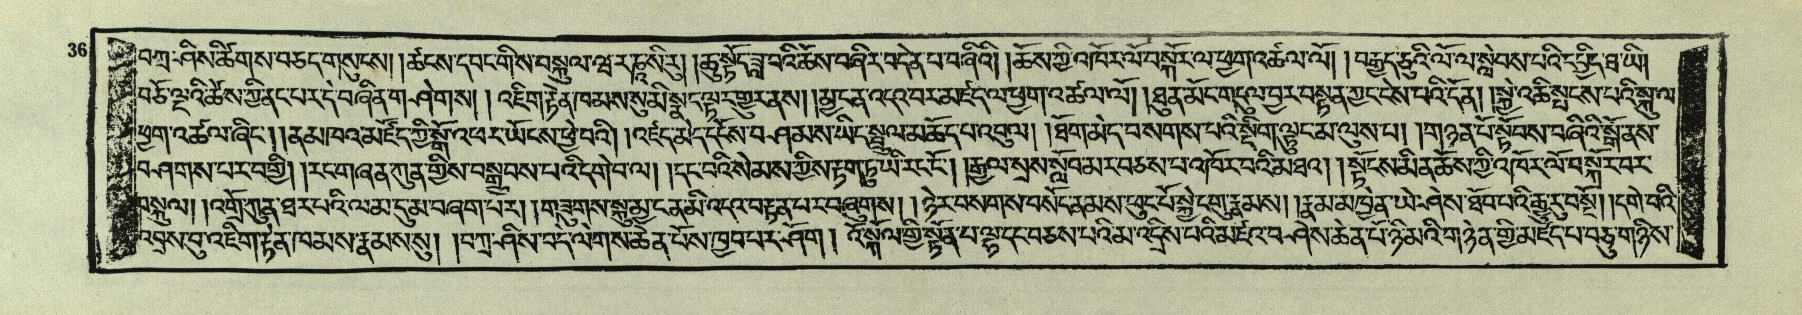བཀྲ་ཤིས་ཚིགས་བཅད་གསུངས། །ཚངས་དབང་གིས་བསྐུལ་ཝ་ར་ཎཱ་སི་རུ། །ཆུ་སྟོད་ཟླ་བའི་ཆོས་བཞིར་བདེན་པ་བཞིའི། །ཆོས་ཀྱི་འཁོར་ལོ་བསྐོར་ལ་ཕྱག་འཚལ་ལོ། །བརྒྱད་ཅུའི་ལོ་ལ་སླེབས་པའི་དཔྱིད་ཐ་ཡི།
བཅོ་ལྔའི་ཚེས་ཀྱི་ནང་པར་དེ་བཞིན་གཤེགས། །འཇིག་རྟེན་ཁམས་སུ་མི་སྣང་ལྟར་གྱུར་ནས། །མྱ་ང་འདའ་བར་མཛད་ལ་ཕྱག་འཚལ་ལོ། །ཐུན་མོང་གདུལ་བྱར་བསྟན་ཀྱང་ངེས་པའི་དོན། །སྐྱེ་འཆི་སྤངས་པའི་སྐུ་ལ་
ཕྱག་འཚལ་ཞིང་། །ནམ་མཁའ་མཛོད་ཀྱི་སྒོ་འཕར་ཡོངས་ཕྱེ་བའི། །འཛད་མེད་དངོས་བཤམས་ཡིད་སྦྲུལ་མཆོད་པ་འབུལ། །ཐོག་མེད་བསགས་པའི་སྡིག་ལྷུང་མ་ལུས་པ། །གཉན་པོ་སྟོབས་བཞིའི་སྒོ་ནས་
བཤགས་པར་བགྱི། །རང་གཞན་ཀུན་གྱིས་བསྒྲུབས་པའི་དགེ་བ་ལ། །དང་བའི་སེམས་ཀྱིས་རྟག་ཏུ་ཡི་རང་ངོ། །རྒྱལ་སྲས་སློབ་མར་བཅས་པ་འཁོར་བའི་མཐའ། །སྟོངས་མིན་ཆོས་ཀྱི་འཁོར་ལོ་བསྐོར་བར་
བསྐུལ། །འགྲོ་ཀུན་ཐར་པའི་ལམ་དུ་མ་བཞག་པར། །གཟུགས་སྐུ་མྱ་ངན་མི་འདའ་བརྟན་པར་བཞུགས། །ཉེར་བསགས་བསོད་ནམས་ཕུང་པོ་སྐྱེ་དགུ་རྣམས། །རྣམ་མཁྱེན་ཡེ་ཤེས་ཐོབ་པའི་རྒྱུ་རུ་བསྔོ། །དགེ་བའི་
འབྲས་བུ་འཇིག་རྟེན་ཁམས་རྣམས་སུ། །བཀྲ་ཤིས་བདེ་ལེགས་ཆེན་པོས་ཁྱབ་པར་ཤོག། འོ་སྐོལ་གྱི་སྟོན་པ་ལྷ་དང་བཅས་པའི་མ་འདྲིས་པའི་མཛའ་བཤེས་ཆེན་པོ་ཉི་མའི་གཉེན་གྱི་མཛད་པ་བཅུ་གཉིས་